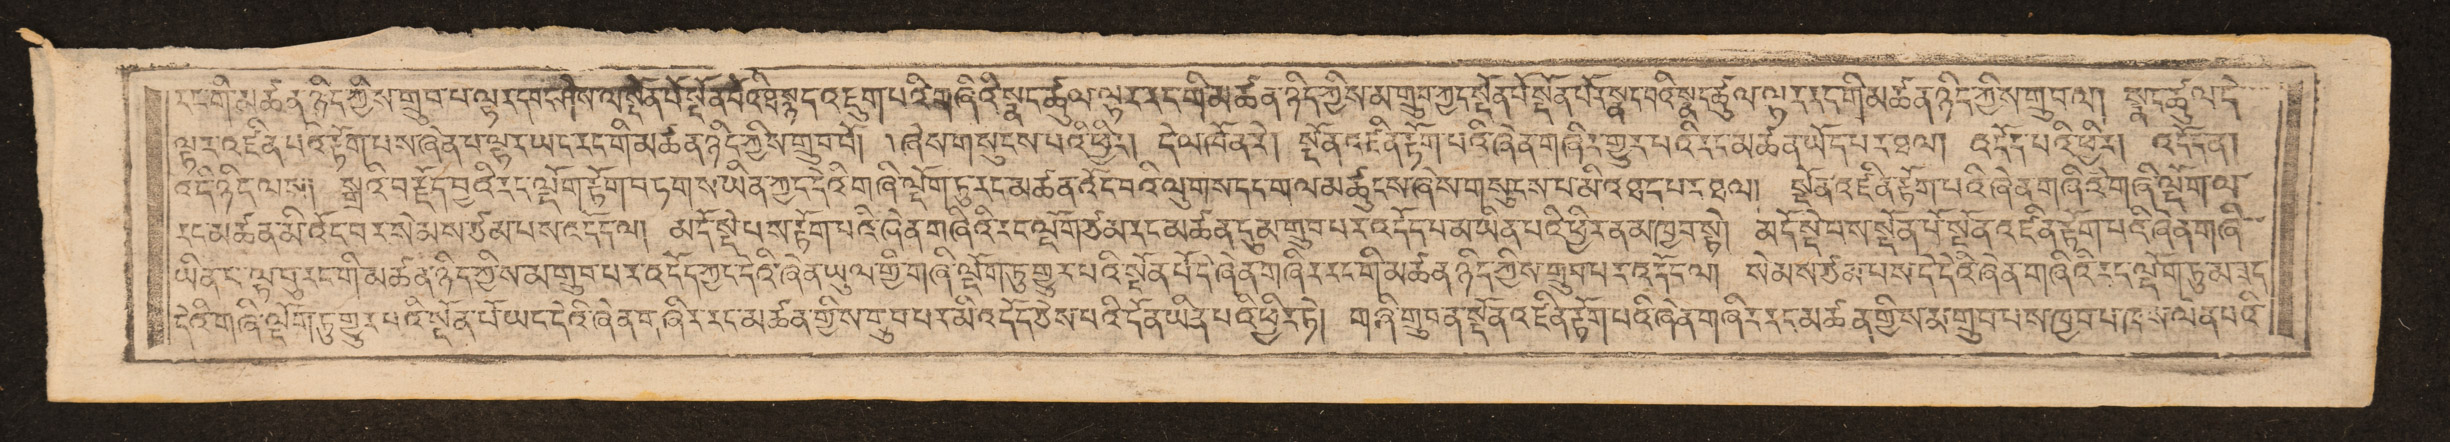རང་གི་མཚན་ཉིད་ཀྱིས་གྲུབ་པ་ལྟར་དབང་ཤེས་ལ་སྔོན་པོ་སྔོན་པོའི་ཐ་སྙད་འཇུག་པའི་གཞིའི་སྣང་ཚུལ་ལྟར་རང་གི་མཚན་ཉིད་ཀྱིས་མ་གྲུབ་ཀྱང་སྔོན་པོ་སྔོན་པོར་སྣང་བའི་སྣང་ཚུལ་ལྟར་རང་གི་མཚན་ཉིད་ཀྱིས་གྲུབ་ལ། སྣང་ཚུལ་དེ་
ལྟར་འཛིན་པའི་རྟོག་པས་ཞེན་པ་ལྟར་ཡང་རང་གི་མཚན་ཉིད་ཀྱིས་གྲུབ་བོ། །ཞེས་གསུངས་པའི་ཕྱིར། དེ་ལ་ཁོ་ན་རེ། སྔོན་འཛིན་རྟོག་པའི་ཞེན་གཞིར་གྱུར་པའི་རང་མཚན་ཡོད་པར་ཐལ། འདོད་པའི་ཕྱིར། འདོད་ན།
འདི་ཉིད་ལས། སྒྲའི་བརྗོད་བྱའི་རང་ལྡོག་རྟོག་བཏགས་ཡིན་ཀྱང་དེའི་གཞི་ལྡོག་ཏུ་རང་མཚན་འོང་བའི་ལུགས་དང་ག་ལ་མཚུངས་ཞེས་གསུངས་པ་མི་འཐད་པར་ཐལ། སྔོན་འཛིན་རྟོག་པའི་ཞེན་གཞིའི་གཞི་ལྡོག་ལ་
རང་མཚན་མི་འོང་བར་སེམས་ཙམ་པས་འདོད་ལ། མདོ་སྡེ་པས་རྟོག་པའི་ཞེན་གཞིའི་རང་ལྡོག་ཙམ་རང་མཚན་དུ་མ་གྲུབ་པར་འདོད་པ་མ་ཡིན་པའི་ཕྱིར་ན་མ་ཁྱབ་སྟེ། མདོ་སྡེ་པས་སྔོན་པོ་སྔོན་འཛིན་རྟོག་པའི་ཞེན་གཞི་
ཡིན་པ་ལྟ་བུ་རང་གི་མཚན་ཉིད་ཀྱིས་མ་གྲུབ་པར་འདོད་ཀྱང་དེའི་ཞེན་ཡུལ་གྱི་གཞི་ལྡོག་ཏུ་གྱུར་པའི་སྔོན་པོ་དེ་ཞེན་གཞིར་རང་གི་མཚན་ཉིད་ཀྱིས་གྲུབ་པར་འདོད་ལ། སེམས་ཙམ་པས་དེ་དེའི་ཞེན་གཞིའི་རང་ལྡོག་ཏུ་མ་ཟད་
དེའི་གཞི་ལྡོག་ཏུ་གྱུར་པའི་སྔོན་པོ་ཡང་དེའི་ཞེན་གཞིར་རང་མཚན་གྱིས་གྲུབ་པར་མི་འདོད་ཅེས་པའི་དོན་ཡིན་པའི་ཕྱིར་ཏེ། གཞི་གྲུབ་ན་སྔོན་འཛིན་རྟོག་པའི་ཞེན་གཞིར་རང་མཚན་གྱིས་མ་གྲུབ་པས་ཁྱབ་པ་ཁས་ལེན་པའི་